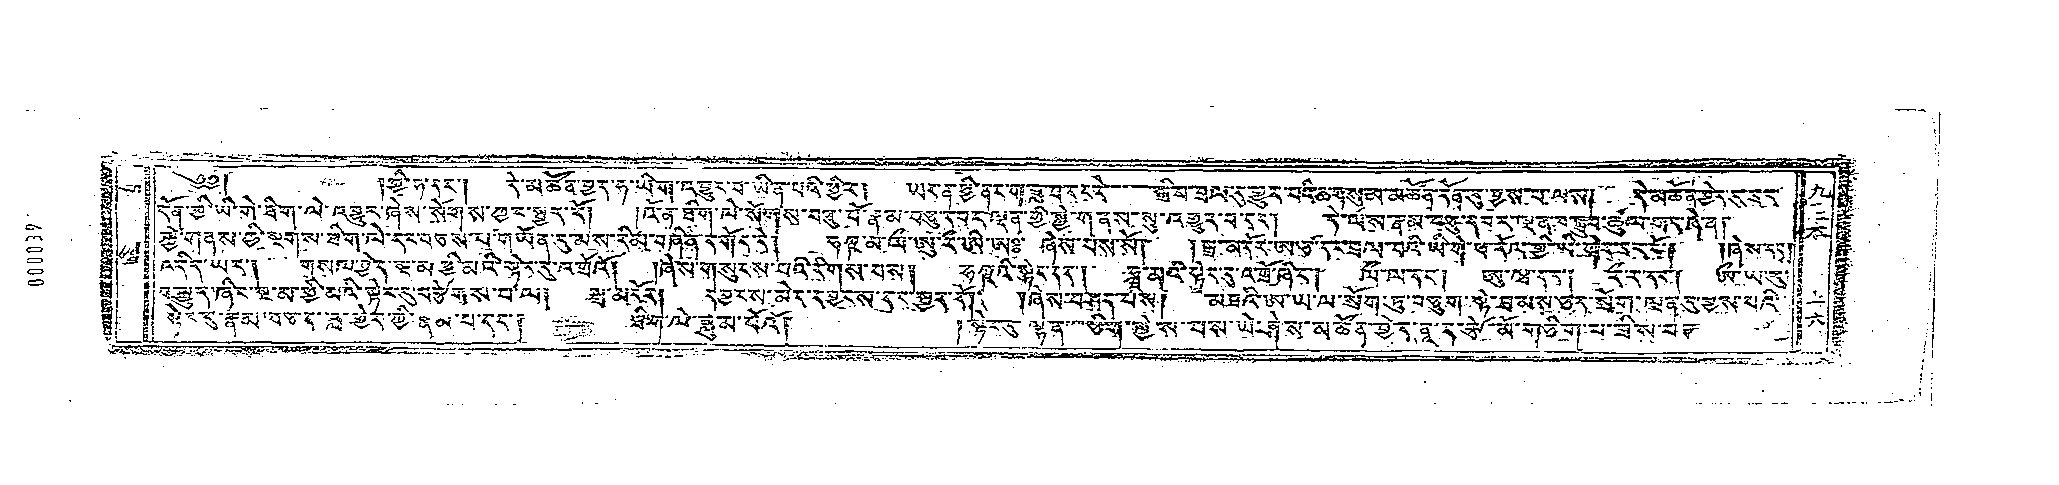༄༅། །ཧི་ཧ་དང་། དེ་མཚོན་བྱེད་ལྷ་ཡིག་འབྱུང་བ་ཡིན་པའི་ཕྱིར། ཡང་ན་ཕྱི་ནང་གི་ཟླ་བ་དང་དེ་སྒྲིབ་བྲལ་དུ་གྱུར་བའི་ཆ་གསུམ་མཚོན་དོན་དུ་བྱས་པ་ལས། དེ་མཚོན་བྱེད་དུ་དྲང་
དོན་གྱི་ཡི་གེ་ཐིག་ལེ་འབྱུང་ཞེས་སོགས་ཀྱང་སྦྱད་དོ། །འོ་ན་ཐིག་ལེ་སོགས་བཅུ་བོ་རྣམ་བཅུ་དབང་ལྡན་གྱི་སྐྱེ་གནས་སུ་འགྱུར་བ་དང་། དེ་ལས་རྣམ་བཅུ་དབང་ལྡན་བསྒྲུབ་ཚུལ་གང་ཞེ་ན།
སྐྱེ་གནས་ཀྱི་སྔགས་ཐིག་ལེ་དང་བཅས་པ་གཡོན་དུ་མས་རིམ་བཞིན་དགོད་དེ། ཧ་ཀྵ་མ་ལྀ་ཨུ་རྀ་ཨི་ཨཿ ཞེས་པས་སོ། །སྒྲ་མདོར་ཨ་ཙ་དང་བྲལ་བའི་ཡི་གེ་ཕ་རོལ་གྱི་ཡི་གེར་དྲང་ངོ། །ཞེས་དང་
འདིར་ཡང་། གསལ་བྱེད་སྔ་མ་ཕྱི་མའི་སྟེང་དུ་འགྲོའོ། །ཞེས་གསུངས་པའི་རིགས་པས། ཧ་ཀྵའི་སྟེང་དང་། དཀྵ་མའི་ཧེང་དུ་འབྲོ་ཞིང་། ལྀ་ལ་དང་། ཨུ་ཝ་དང་། རྀ་ར་དང་། ཨྀ་ཡ་རུ་
བསྐྱུར་ཞྀང་སྔ་མ་ཕྱི་མའི་སྟེང་དུ་བརྩེགས་པ་ལ། སྒྲ་མདོར། དབྱངས་མེད་དབྱངས་དང་སྦྱར་རོ། །ཞེས་བཤད་པས། མཐའི་ཨ་ཡ་ལ་སྲོག་ཏུ་བཅུག་སྟེ་ཐམས་ཅད་སྲོག་ལྡན་དུ་བྱས་པའི་
སྟེང་དུ་རྣམ་བཅད་ཟླ་ཕྱེད་ཀྱི་རྣམ་པ་དང་། ཐིག་ལེ་ཟླུམ་པོའོ། །སྟེང་དུ་ལྷན་ཅིག་སྐྱེས་པས་ཡེ་ཤེས་མཚོན་བྱེད་ནཱ་ད་རྩེ་མོ་གཅིག་པ་བྲིས་པས་